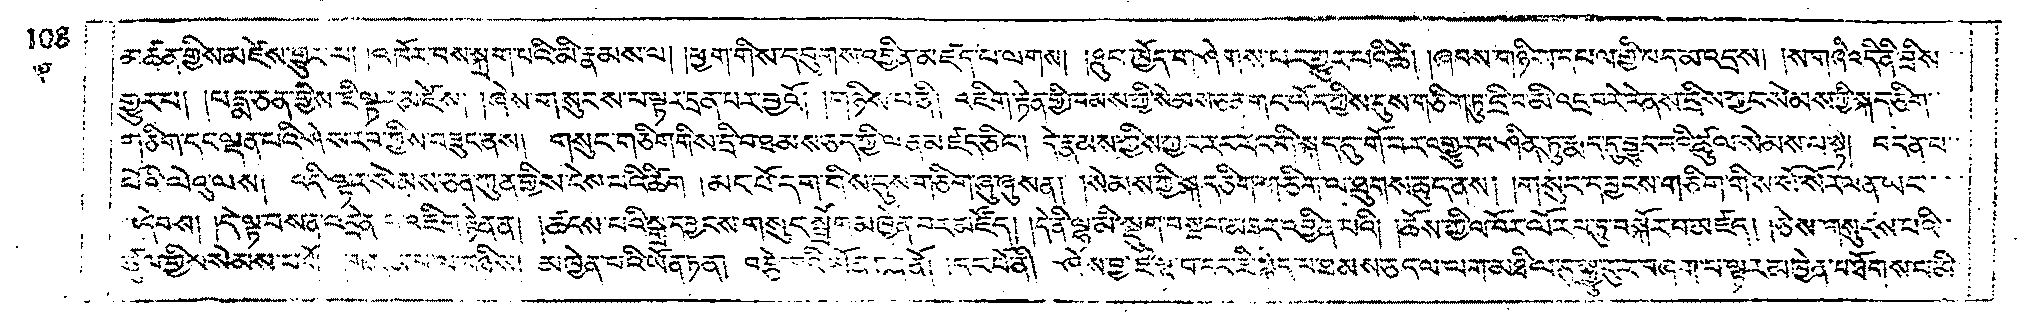མཚན་གྱིས་མཛེས་གྱུར་པ། །འཁོར་བས་སྐྲག་པའི་མི་རྣམས་ལ། །ཕྱག་གིས་དབུགས་འབྱིན་མཛད་པ་ལགས། །ཐུབ་ཁྱོད་གཤེགས་པར་གྱུར་པའི་ཚེ། །ཞབས་གཉིས་དཔལ་གྱི་པད་མ་འདྲས། །ས་གཞི་འདི་ནི་བྲིས་
གྱུར་པ། །པདམ་ཅན་གྱིས་ཇི་ལྟར་མཛེས། །ཞེས་གསུངས་པ་ལྟར་དྲན་པར་བྱའོ། །གཉིས་པ་ནི། འཇིག་རྟེན་གྱི་ཁམས་ཀྱི་སེམས་ཅན་གང་ཡོད་ཀྱིས་དུས་གཅིག་ཏུ་དྲི་བ་མི་འདྲ་བ་རེ་རེ་ནས་དྲིས་ཀྱང་སེམས་ཀྱི་སྐད་ཅིག་
གཅིག་དང་ལྡན་པའི་ཤེས་རབ་ཀྱིས་བཟུང་ནས། གསུང་གཅིག་གིས་དྲི་བ་ཐམས་ཅད་ཀྱི་ལན་མཛད་ཅིང་། དེ་རྣམས་ཀྱིས་ཀྱང་རང་རང་གི་སྐད་དུ་གོ་བར་འགྱུར་བ་ཤིན་ཏུ་རྨད་དུ་བྱུང་བའི་ཚུལ་སེམས་པ་སྟེ། བདེན་པ་
པོའི་ལེའུ་ལས། འདི་ལྟར་སེམས་ཅན་ཀུན་གྱིས་ངེས་པའི་ཚིག །མང་པོ་དག་གིས་དུས་གཅིག་ཞུ་ཞུས་ན། །སེམས་ཀྱི་སྐད་ཅིག་གཅིག་ལ་ཐུགས་ཆུད་ནས། །གསུང་དབྱངས་གཅིག་གིས་སོ་སོར་ལན་ཡང་
འདེབས། །དེ་ལྟ་བས་ན་འདྲེན་པ་འཇིག་རྟེན་ན། །ཚངས་པའི་སྒྲ་དབྱངས་གསུང་སྒྲོག་མཁྱེན་བར་མཛོད། །དེ་ནི་ལྷ་མི་སྡུག་བསྔལ་མཐར་འབྱིན་པའི། །ཆོས་ཀྱི་འཁོར་ལོ་རབ་ཏུ་བསྐོར་བ་མཛད། །ཅེས་གསུངས་པའི་
ཚུལ་གྱིས་སེམས་པའོ། །གསུམ་པ་ལ་གཉིས། མཁྱེན་པའི་ཡོན་ཏན། བརྩེ་བའི་ཡོན་ཏན་ནོ། །དང་པོ་ནི། ཤེས་བྱ་ཇི་ལྟ་བ་དང་ཇི་སྙེད་པ་ཐམས་ཅད་ལ་ལག་མཐིལ་དུ་སྐྱུ་རུ་ར་བཞག་པ་ལྟར་མཁྱེན་པ་ཐོགས་པ་མི་